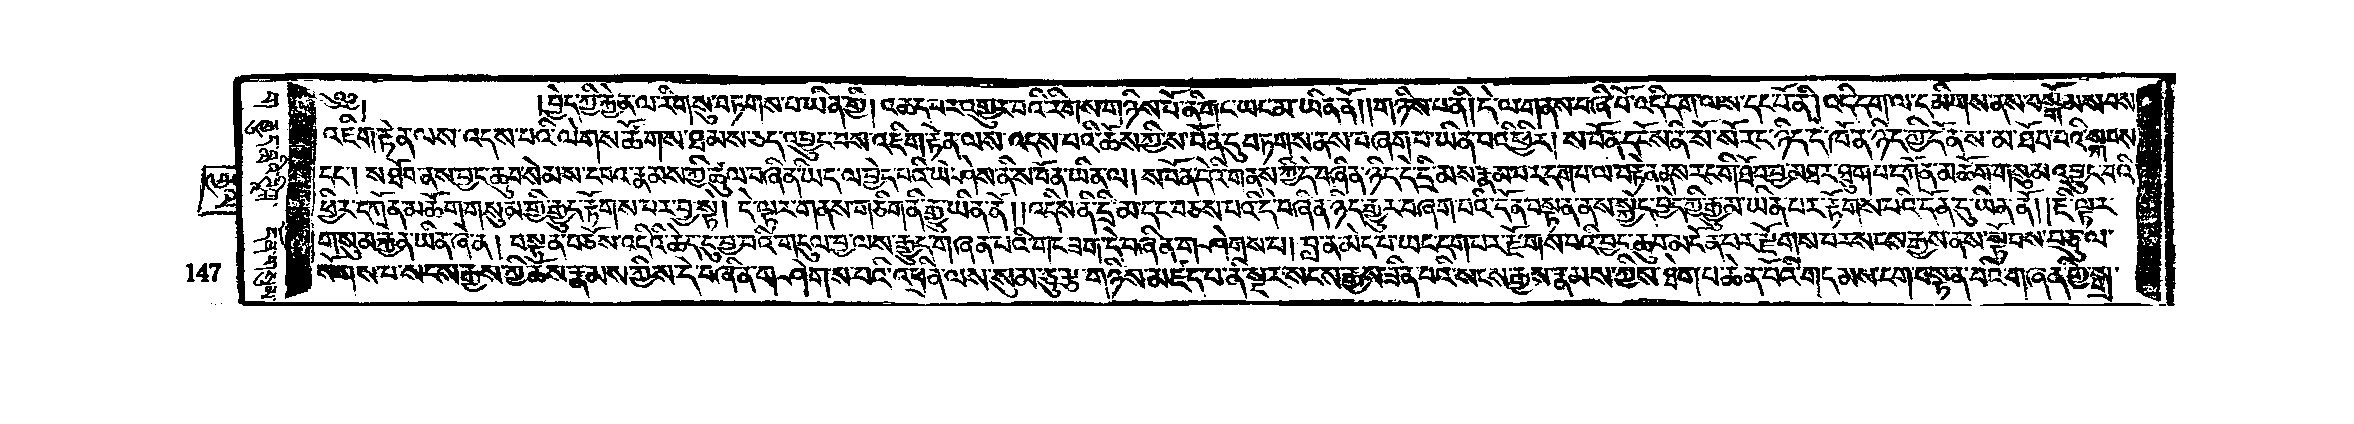༄༅། །བྱེད་ཀྱི་རྐྱེན་ལ་རིགས་སུ་བཏགས་པ་ཡིན་གྱི་།འཆད་པར་འགྱུར་བའི་རིགས་གཉིས་པོ་ནི་གང་ཡང་མ་ཡིན་ནོ། །གཉིས་པ་ནི། དེ་ལ་གནས་བཞི་པོ་འདི་དག་ལས་དང་པོ་ནི། འདི་དག་ལ་དམིགས་ནས་བསྒོམས་པས་
འཇིག་རྟེན་ལས་འདས་པའི་ལེགས་ཚོགས་ཐམས་ཅད་འབྱུང་བས་འཇིག་རྟེན་ལས་འདས་པའི་ཆོས་ཀྱི་ས་བོན་དུ་བཏགས་ནས་བཞག་པ་ཡིན་པའི་ཕྱིར། ས་བོན་དངོས་ནི་སོ་སོ་རང་ཉིད་དེ་ཁོ་ན་ཉིད་ཀྱི་དོན་ས་མ་ཐོབ་པའི་སྐབས་
དང༑ ས་ཐོབ་ནས་བྱང་ཆུབ་སེམས་དཔའ་རྣམས་ཀྱི་ཚུལ་བཞིན་ཡིད་ལ་བྱེད་པའི་ཡེ་ཤེས་ནི་ས་བོན་ཡིན་ལ། ས་བོན་དེའི་གནས་ཀྱི་དེ་བཞིན་ཉིད་དེ་དྲི་མས་རྣམ་པར་དག་པ་ལ་བརྟེན་ནས་རང་གི་ཐོབ་ཡ་མཐར་ཐུག་པ་དཀོན་མཆོག་གསུམ་འབྱུང་བའི་
ཕྱིར་དཀོན་མཆོག་གསུམ་གྱི་རྒྱུད་རྟོགས་པར་བྱ་སྟེ། དེ་ལྟར་གནས་གཅིག་ནི་རྒྱུ་ཡིན་ནོ། །འདིས་ནི་དྲི་མ་དང་བཅས་པའི་དེ་བཞིན་ཉིད་རྒྱུར་བཞག་པའི་དོན་བསྟན་ནས་སྐྱེད་བྱེད་ཀྱི་རྒྱུ་མ་ཡིན་པར་རྟོགས་པའི་དོན་དུ་ཡིན་ནོ། །ཇི་ལྟར་
གསུམ་རྐྱེན་ཡིན་ཞེ་ན། བསྟན་བཅོས་འདིའི་ཆེད་དུ་བྱ་བའི་གདུལ་བྱ་ལས་རྒྱུད་གཞན་པའི་གང་ཟག་དེ་བཞིན་གཤེགས་པ། བླ་ན་མེད་པ་ཡང་དག་པར་རྫོགས་པའི་བྱང་ཆུབ་མངོན་པར་རྫོགས་པར་སངས་རྒྱས་ནས་སྟོབས་བཅུ་ལ་
སོགས་པ་སངས་རྒྱས་ཀྱི་ཆོས་རྣམས་ཀྱིས་དེ་བཞིན་གཤེགས་པའི་འཕྲིན་ལས་སུམ་ཅུ་རྩ་གཉིས་མཛད་པ་ནི་སྔར་སངས་རྒྱས་ཟིན་པའི་སངས་རྒྱས་རྣམས་ཀྱིས་ཐེག་པ་ཆེན་པོའི་གདམས་ངག་བསྟན་པའི་གཞན་གྱི་སྒྲ་